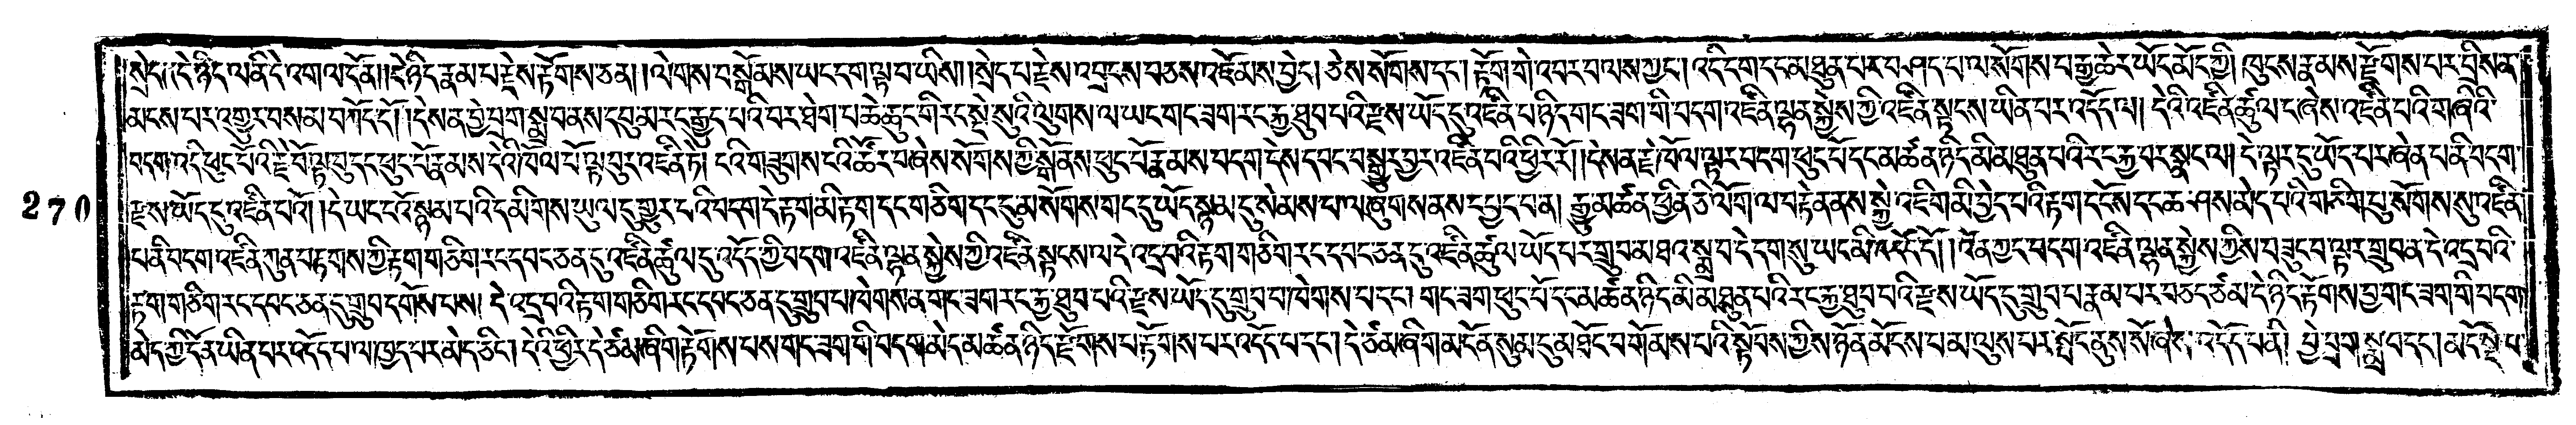སྲེད༑ ༑དེ་ཉིད་ལ་ནི་དེ་འགལ་དོན། །དེ་ཉིད་རྣམ་པ་རྗེས་རྟོགས་ཅན། །ལེགས་བསྒོམས་ཡང་དག་ལྟ་བ་ཡིས། །སྲེད་པ་རྗེས་འབྲངས་བཅས་འཇོམས་བྱེད། ཅེས་སོགས་དང་། རྟོག་གེ་འབར་བ་ལས་ཀྱང་། འདི་དག་དང་མཐུན་པར་བཤད་པ་ལ་སོགས་བརྒྱ་ཆེར་ཡོད་མོང་ཀྱི། ཁུངས་རྣམས་རྫོགས་པར་བྲིས་ན་
མངས་པར་འགྱུར་བསམ་བཀོད་དོ། །དེས་ན་བྱེ་བྲག་སྨྲ་བ་ནས་དབུ་མ་རང་རྒྱུད་པའི་བར་ཐེག་པ་ཆེ་ཆུང་གི་རང་སྡེ་སུའི་ལུགས་ལ་ཡང་གང་ཟག་རང་རྐྱ་ཐུབ་པའི་རྫས་ཡོད་དུ་འཛིན་པ་ཉིད་གང་ཟག་གི་བདག་འཛིན་ལྷན་སྐྱེས་ཀྱི་འཛིན་སྟངས་ཡིན་པར་འདོད་ལ། དེའི་འཛིན་ཚུལ་ང་ཞེས་འཛིན་པའི་གཞིའི་
བདག་འདི་ཕུང་པོའི་རྗེ་བོ་ལྟ་བུ་དང་ཕུང་པོ་རྣམས་དེའི་ཁོ་ལ་?་བོ་ལྟ་བུར་འཛིན་ཏེ། ངའི་གཟུགས་ངའི་ཚོར་བཞེས་སོགས་ཀྱི་སྒོ་ནས་ཕུང་པོ་རྣམས་བདག་དེས་དབང་བསྒྱུར་བྱར་འཛིན་པའི་ཕྱིར་རོ། །དེས་ན་རྗེ་ཁོལ་ལྟར་བདག་ཕུང་པོ་དང་མཚན་ཉིད་མི་མཐུན་བའི་རང་རྒྱ་བར་སྣང་ལ། དེ་ལྟར་དུ་ཡོད་པར་ཞེན་པ་ནི་བདག་
རྫས་ཡོད་དུ་འཛིན་པའོ། །དེ་ཡང་ངའོ་སྙམ་པའི་དམིགས་ཡུལ་དུ་གྱུར་པའི་བདག་དེ་རྟག་མི་རྟག་དང་གཅིག་དང་དུ་མ་སོགས་གང་དུ་ཡོད་སྙམ་དུ་སེམས་པ་ལ་ཞུགས་ནས་དཔྱད་བ་ན། རྒྱུ་མཚན་ཕྱིན་ཅི་ལོག་ལ་བརྟེན་ནས་སྐྱེ་འཇིག་མི་བྱེད་པའི་རྟག་དངོས་དང་ཆ་ཤས་མེད་པའི་གཅིག་པུ་སོགས་སུ་འཛིན་
པ་ནི་བདག་འཛིན་ཀུན་བརྟགས་ཀྱི་རྟག་གཅིག་རང་དབང་ཅན་དུ་འཛིན་ཚུལ་དུ་འདོད་ཀྱི་བདག་འཛིན་ལྷན་སྐྱེས་ཀྱི་འཛིན་སྟངས་ལ་དེ་འདྲ་བའི་རྟག་གཅིག་རང་དབང་ཅན་དུ་འཛིན་ཚུལ་ཡོད་པར་གྲུབ་མཐའ་སྨྲ་བ་དེ་དག་སུ་ཡང་མི་འདོད་དོ། །འོན་ཀྱང་བདག་འཛིན་ལྷན་སྐྱེས་ཀྱིས་བཟུང་བ་ལྟར་གྲུབ་ན་དེ་འདྲ་བའི་
རྟག་གཅིག་རང་དབང་ཅན་དུ་གྲུབ་དགོས་པས། དེ་འདྲ་བའི་རྟག་གཅིག་རང་དབང་ཅན་དུ་གྲུབ་པ་ཁེགས་ན་གང་ཟག་རང་རྒྱ་ཐུབ་པའི་རྫས་ཡོད་དུ་གྲུབ་པ་ཁེགས་པ་དང་། གང་ཟག་ཕུང་པོ་དང་མཚན་ཉིད་མི་མཐུན་པའི་རང་རྐྱ་ཐུབ་པའི་རྫས་ཡོད་དུ་གྲུབ་པ་རྣམ་པར་བཅད་ཙམ་དེ་ཉིད་རྟོགས་བྱ་གང་ཟག་གི་བདག་
མེད་ཀྱི་དོན་ཡིན་པར་འདོད་པ་ལ་ཁྱད་པར་མེད་ཅིང་། དེའི་ཕྱིར་དེ་ཙམ་ཞིག་རྟོགས་པས་གང་ཟག་གི་བདག་མེད་མཚན་ཉིད་རྫོགས་བརྟོགས་པར་འདོད་པ་དང་། དེ་ཙམ་ཞིག་མངོན་སུམ་དུ་མཐོང་བ་གོམས་པའི་སྟོབས་ཀྱིས་ཉོན་མོངས་པ་མ་ལུས་པར་བློང་ནུས་སོ་ཞེས་འདོད་པ་ནི། བྱེ་བྲག་སྨྲ་བ་དང་། མདོ་སྡེ་པ་